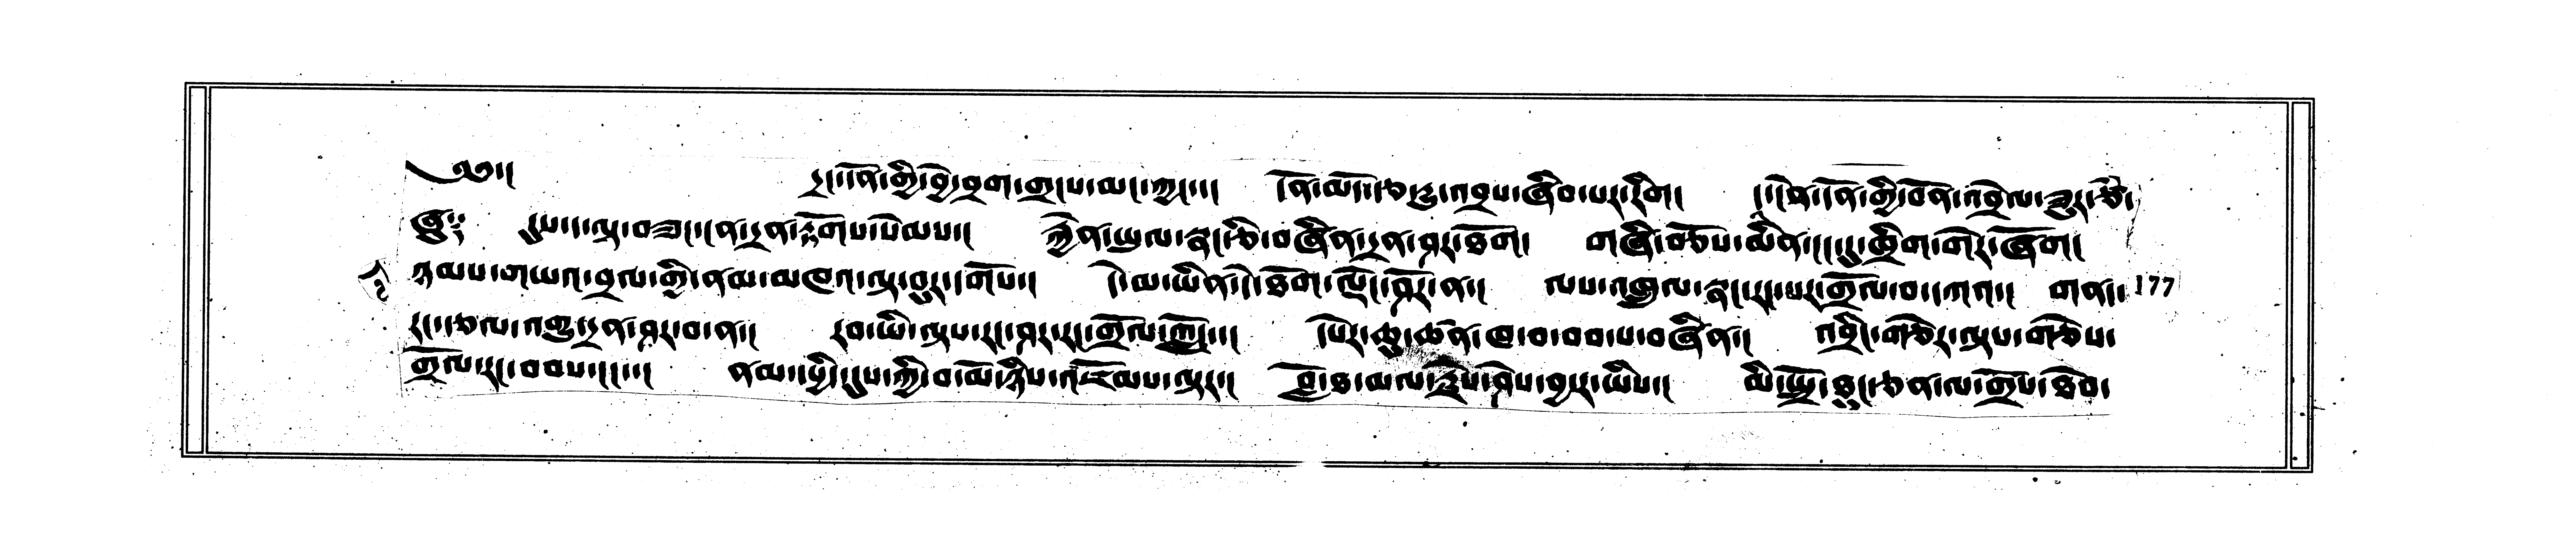དྲང་དོན་གྱི་བྱེ་བྲག་གྲངས་མང་ཡང་། །དོན་མདོ་རྩ་རྒྱུ་འབྲས་ཞིབ་པར་རིག །ད་ངེས་དོན་གྱི་བོན་འབྲེལ་ཟུར་ཙམ་
ཞུ། །དུས་ད་ལྟ་བཟང་ངན་དྲན་རྟོག་སེམས། །རྐྱེན་ཡུལ་སྣང་ཅི་བཞིན་དྲན་ཤར་ཐོག །གཞི་བཅོས་མིན་ངང་དུ་ཁྲེག་གེར་ཞོག 
།ཉམས་གཡའ་བྲལ་གྱི་ནམ་མཁའ་ལྟ་བུར་དགོས། །དེ་མ་ཡིན་དེ་ཐོག་ལྡེང་ཤོར་ན། །ལས་འཁྲུལ་སྣང་རང་སར་གྲོལ་བ་དཀའ། །གནད་
རང་རྩལ་འགྱུ་དྲན་ཤར་བ་ན། །རབ་ཡེ་བལྟས་རང་ཤར་རང་གྲོལ་ཀློང་། །དཔེར་ཆུ་ཚན་ཁ་བ་བབས་པ་བཞིན། །འབྲིང་ཅེར་བལྟས་ཅེར་
གྲོལ་རང་བབས་ངང་། །ནམ་དཔྱིད་དུས་ཀྱི་བ་མོ་ཉིས་འཇོམས་ལྟར། །བློ་ཐ་མལ་རྗེས་ཤེས་བྱ་ར་ཡིས། །མི་སྤྲོ་ཐུང་ཅན་ལ་གྲོས་ཐེབ་